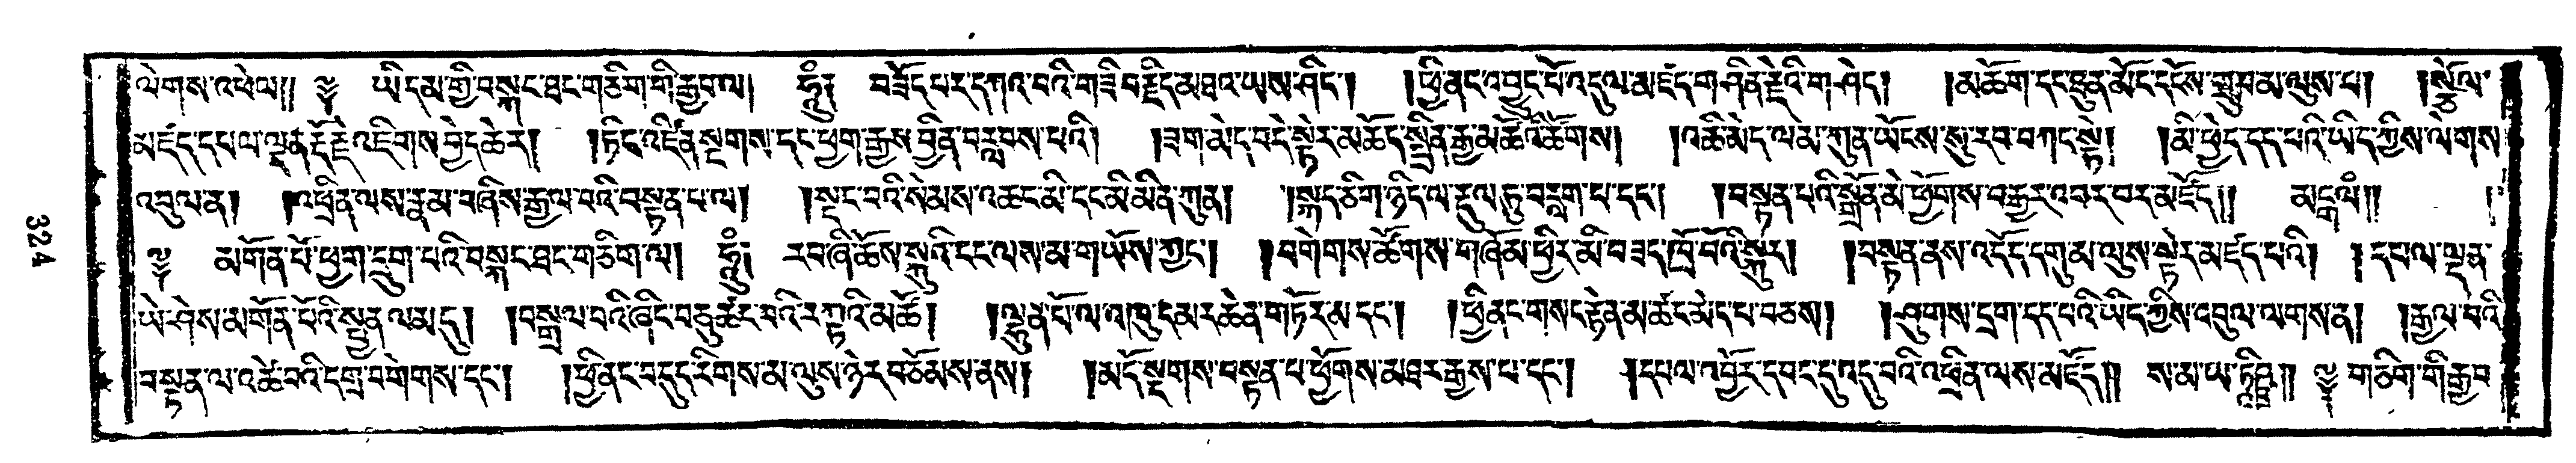ལེགས་འཕེལ།། ༈ ཡི་དམ་གྱི་བསྐང་ཐང་གཅིག་གི་རྒྱབ་ལ། ཧཱུཾ༑ བཟོད་པར་དཀའ་བའི་གཟི་བརྗིད་མཐའ་ཡས་ཤིང་། །ཕྱི་ནང་འབྱུང་པོ་འདུལ་མཛད་གཤིན་རྗེའི་གཤེད། །མཆོག་དང་ཐུན་མོང་དངོས་གྲུབ་མ་ལུས་པ། །སྩོལ་
མཛད་དཔལ་ལྡན་རྡོ་རྗེ་འཇིགས་བྱེད་ཆེར། །ཏིང་འཛིན་སྔགས་དང་ཕྱག་རྒྱས་བྱིན་བརླབས་པའི། །ཟག་མེད་བདེ་སྟེར་མཆོད་སྤྲིན་རྒྱ་མཚོའི་ཚོགས། །འཆི་མེད་ལམ་ཀུན་ཡོངས་སུ་རབ་བཀང་སྟེ། །མི་ཕྱེད་དད་པའི་ཡིད་ཀྱིས་ལེགས་
འབུལ་ན། །འཕྲིན་ལས་རྣམ་བཞིས་རྒྱལ་བའི་བསྟན་པ་ལ། །སྡང་བའི་སེམས་འཆང་མི་དང་མི་མིན་ཀུན། །སྐད་ཅིག་ཉིད་ལ་རྡུལ་ཏུ་བརླག་པ་དང་། །བསྟན་པའི་སྒྲོན་མེ་ཕྱོགས་བརྒྱར་འབར་བར་མཛོད།། མངྒལཾ།། །།
༈ མགོན་པོ་ཕྱག་དྲུག་པའི་བསྐང་ཐང་གཅིག་ལ། ཧཱུཾ༑ རབ་ཞི་ཆོས་སྐུའི་ངང་ལས་མ་གཡོས་ཀྱང་། །བགེགས་ཚོགས་གཞོམ་ཕྱིར་མི་བཟད་ཁྲོ་བོའི་སྐུར། །བསྟན་ནས་འདོད་དགུ་མ་ལུས་སྟེར་མཛད་པའི། །དཔལ་ལྡན་
ཡེ་ཤེས་མགོན་པོའི་སྤྱན་ལམ་དུ། །བསྒྲལ་བའི་ཞིང་བཅུ་ཚང་བའི་རཀྟའི་མཚོ། །ལྷུན་པོ་ལ་འཁུ་དམར་ཆེན་གཏོར་མ་དང་། །ཕྱི་ནང་གསང་རྟེན་མ་ཚང་མེད་པ་བཅས། །ཤུགས་དྲག་དད་པའི་ཡིད་ཀྱིས་འབུལ་ལགས་ན། །རྒྱལ་བའི་
བསྟན་ལ་འཚེ་བའི་དྲག་བགེགས་དང་། །ཕྱི་ནང་བདུད་རིགས་མ་ལུས་ཉེར་བཅོམས་ནས། །མདོ་སྔགས་བསྟན་པ་ཕྱོགས་མཐར་རྒྱས་པ་དང་། །དཔལ་འབྱོར་དབང་དུ་འདུ་བའི་འཕྲིན་ལས་མཛོད། ས་མ་ཡ་ཏཱིཥཊཿཨ།། ༈ གཅིག་གི་རྒྱབ་